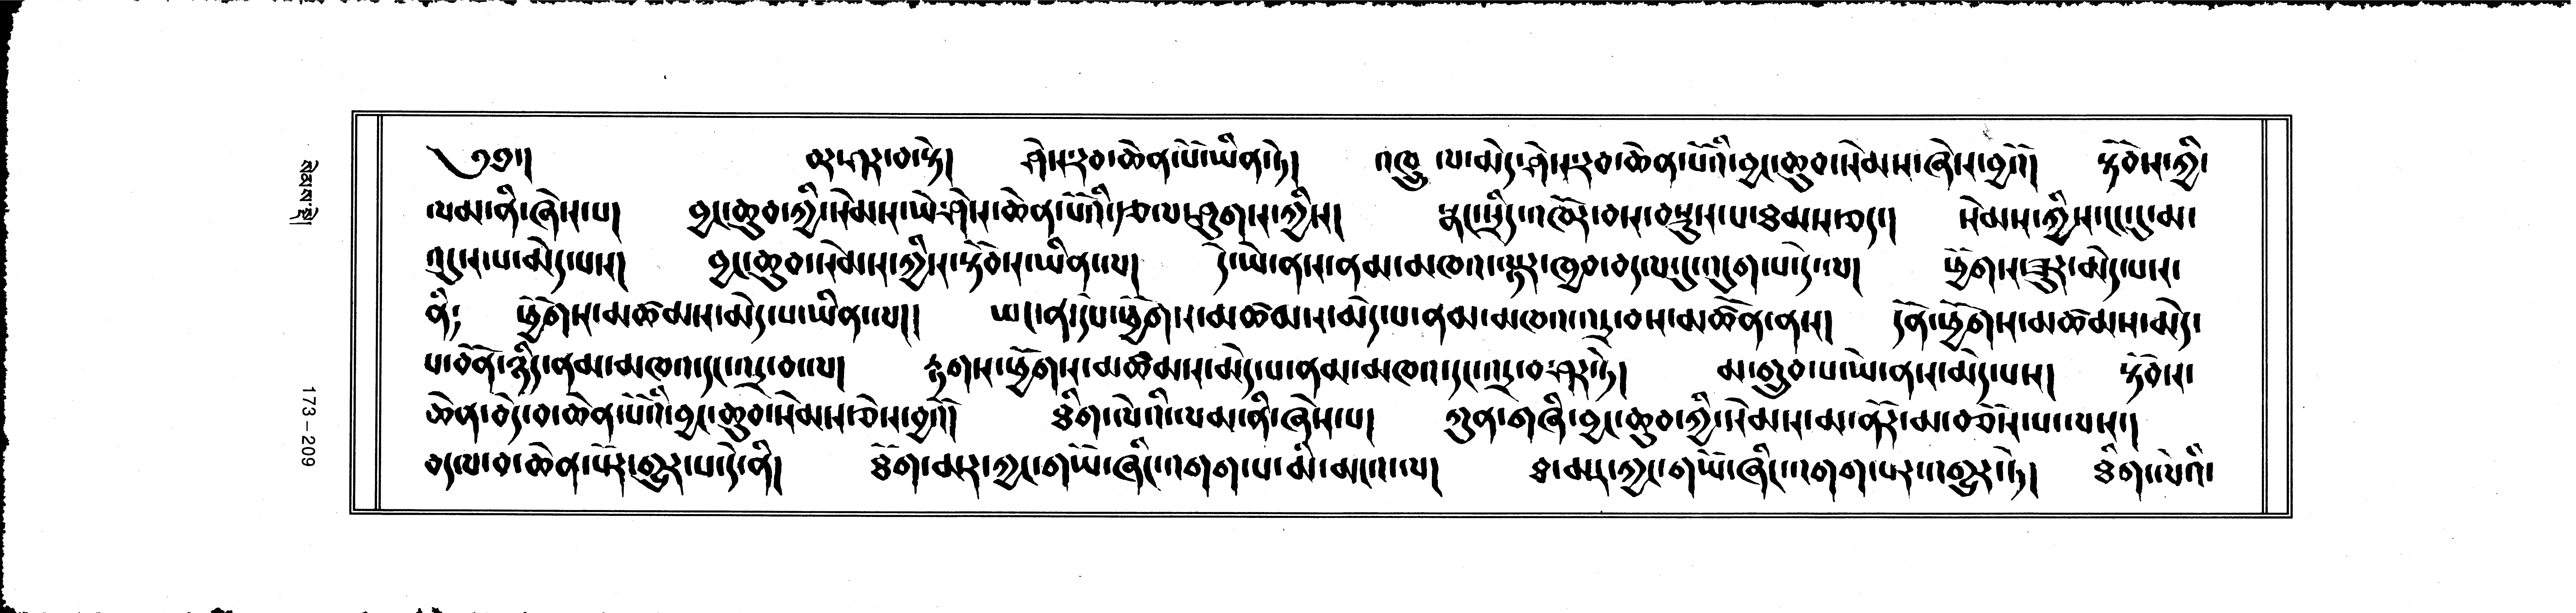བར་ཤར་བ་སྟེ། ཤེས་རབ་ཆེན་པོ་ཡིན་ཏེ། འཁྲུལ་མེད་ཤེས་རབ་ཆེན་པོའི་བྱང་ཆུབ་སེམས་ཞེས་བྱའོ། །སྟོབས་ཀྱི་
ལམ་ཞེས་པ་ནི། བྱང་ཆུབ་ཀྱི་སེམས་ཡེ་ཤེས་ཆེན་པོའི་རྩལ་ཤུགས་ཀྱིས། སྣང་སྲིད་འཁོར་འདས་བསྡུས་པ་ཐམས་ཅད། སེམས་ཀྱི་ངང་དུ་མ་
འདུས་པ་མེད་པས། བྱང་ཆུབ་སེམས་ཀྱི་སྟོབས་ཡིན་ལ། དེ་ཡེ་ནས་ནམ་མཁའ་ལྟར་ཁྱབ་བདལ་དུ་འདུག་པ་དེ་ལ། ཕྱོགས་ཟུར་མེད་པས་
ནི། ཕྱོགས་མཚམས་མེད་པ་ཡིན་ལ། ཡང་ན་དཔེ་ཕྱོགས་མཚམས་མེད་པ་ནམ་མཁའ་འདྲ་བས་མཚོན་ནས། དོན་ཕྱོགས་མཚམས་མེད་
པ་བོན་ཉིད་ནམ་མཁའ་དང་འདྲ་བ་ལ། རྟགས་ཕྱོགས་མཚམས་མེད་པ་ནམ་མཁའ་དང་འདྲ་བ་ཤར་ཏེ། མ་གྲུབ་པ་ཡེ་ནས་མེད་པས། སྟོབས་
ཆེན་བདེ་བ་ཆེན་པོའི་བྱང་ཆུབ་སེམས་ཅེས་བྱའོ། །ཐིག་ལེའི་ལམ་ནི་ཞེས་པ། ཀུན་གཞི་བྱང་ཆུབ་ཀྱི་སེམས་མ་ནོར་མ་བཅོས་པ་ལས། 
བདལ་པ་ཆེན་པོར་གྱུར་པ་དེ་ནི། ཐོག་མར་ཀྱང་གཡོ་ཞིང་འགག་པ་མི་མངའ་ལ། ཐ་མར་ཀྱང་གཡོ་ཞིང་འགག་པར་མི་འགྱུར་ཏེ། ཐིག་ལེའི་